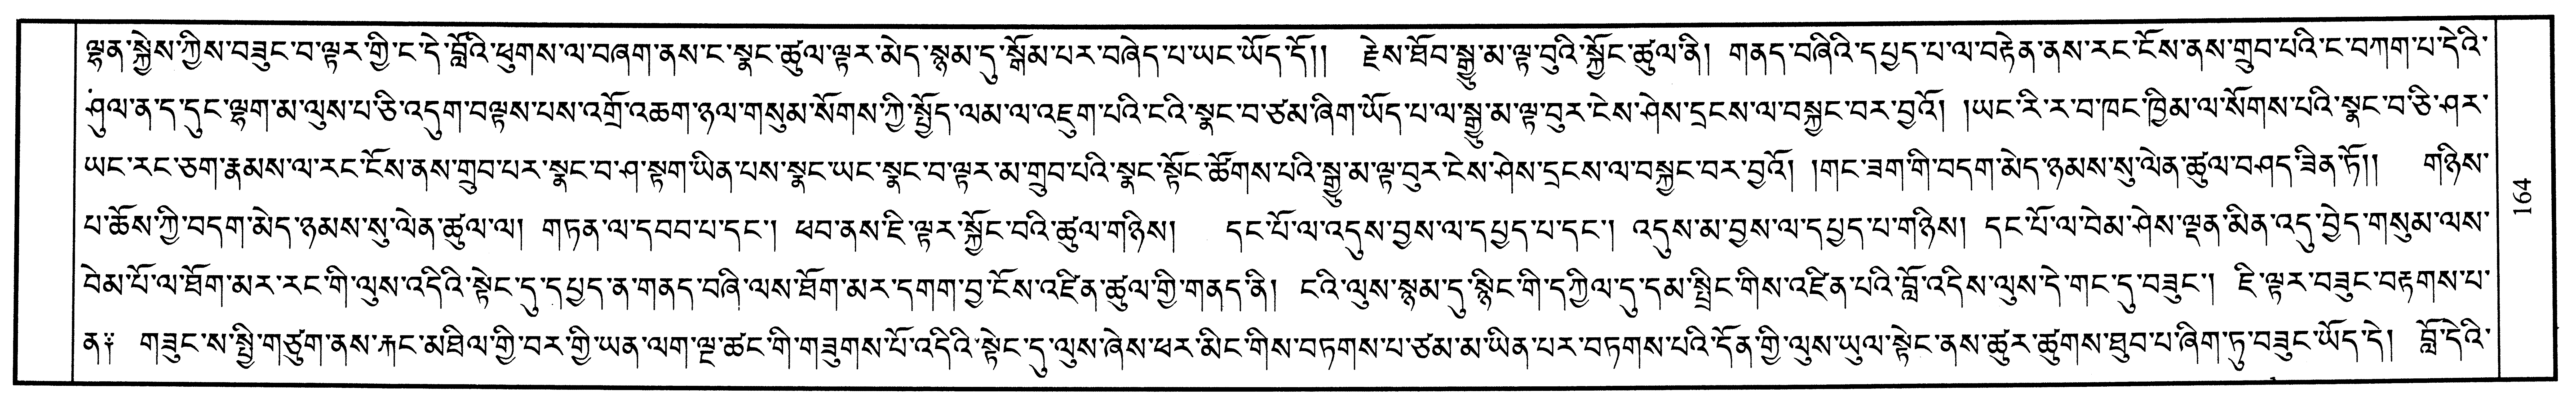ལྷན་སྐྱེས་ཀྱིས་བཟུང་བ་ལྟར་གྱི་ང་དེ་བློའི་ཕུགས་ལ་བཞག་ནས་ང་སྣང་ཚུལ་ལྟར་མེད་སྙམ་དུ་སྒོམ་པར་བཞེད་པ་ཡང་ཡོད་དོ།། རྗེས་ཐོབ་སྒྱུ་མ་ལྟ་བུའི་སྐྱོང་ཚུལ་ནི། གནད་བཞིའི་དཔྱད་པ་ལ་བརྟེན་ནས་རང་ངོས་ནས་གྲུབ་པའི་ང་བཀག་པ་དེའི་
ཤུལ་ན་ད་དུང་ལྷག་མ་ལུས་པ་ཅི་འདུག་བལྟས་པས་འགྲོ་འཆག་ཉལ་གསུམ་སོགས་ཀྱི་སྤྱོད་ལམ་ལ་འཇུག་པའི་ངའི་སྣང་བ་ཙམ་ཞིག་ཡོད་པ་ལ་སྒྱུ་མ་ལྟ་བུར་ངེས་ཤེས་དྲངས་ལ་བསྐྱང་བར་བྱའོ། །ཡང་རི་ར་བ་ཁང་ཁྱིམ་ལ་སོགས་པའི་སྣང་བ་ཅི་ཤར་
ཡང་རང་ཅག་རྣམས་ལ་རང་ངོས་ནས་གྲུབ་པར་སྣང་བ་ཤ་སྟག་ཡིན་པས་སྣང་ཡང་སྣང་བ་ལྟར་མ་གྲུབ་པའི་སྣང་སྟོང་ཚོགས་པའི་སྒྱུ་མ་ལྟ་བུར་ངེས་ཤེས་དྲངས་ལ་བསྐྱང་བར་བྱའོ། །གང་ཟག་གི་བདག་མེད་ཉམས་སུ་ལེན་ཚུལ་བཤད་ཟིན་ཏོ།། གཉིས་
པ་ཆོས་ཀྱི་བདག་མེད་ཉམས་སུ་ལེན་ཚུལ་ལ། གཏན་ལ་དབབ་པ་དང་། ཕབ་ནས་ཇི་ལྟར་སྐྱོང་བའི་ཚུལ་གཉིས། དང་པོ་ལ་འདུས་བྱས་ལ་དཔྱད་པ་དང་། འདུས་མ་བྱས་ལ་དཔྱད་པ་གཉིས། དང་པོ་ལ་བེམ་ཤེས་ལྡན་མིན་འདུ་བྱེད་གསུམ་ལས་
བེམ་པོ་ལ་ཐོག་མར་རང་གི་ལུས་འདིའི་སྟེང་དུ་དཔྱད་ན་གནད་བཞི་ལས་ཐོག་མར་དགག་བྱ་ངོས་འཛིན་ཚུལ་གྱི་གནད་ནི། ངའི་ལུས་སྙམ་དུ་སྙིང་གི་དཀྱིལ་དུ་དམ་སྤྲིང་གིས་འཛིན་པའི་བློ་འདིས་ལུས་དེ་གང་དུ་བཟུང་། ཇི་ལྟར་བཟུང་བརྟགས་པ་
ན༑ གཟུང་ས་སྤྱི་གཙུག་ནས་རྐང་མཐིལ་གྱི་བར་གྱི་ཡན་ལག་ལྔ་ཚང་གི་གཟུགས་པོ་འདིའི་སྟེང་དུ་ལུས་ཞེས་ཕར་མིང་གིས་བཏགས་པ་ཙམ་མ་ཡིན་པར་བཏགས་པའི་དོན་གྱི་ལུས་ཡུལ་སྟེང་ནས་ཚུར་ཚུགས་ཐུབ་པ་ཞིག་ཏུ་བཟུང་ཡོད་དེ། བློ་དེའི་